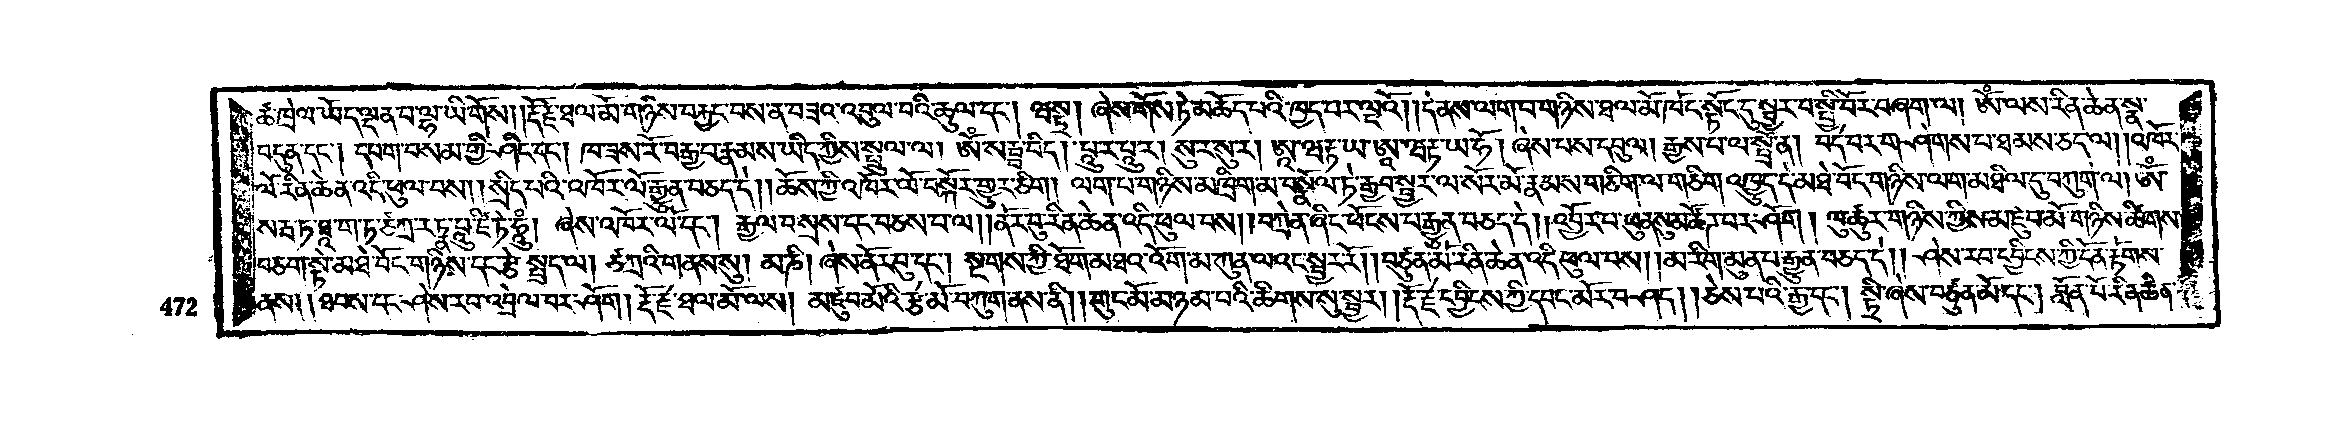ཚ་ཁྲེལ་ཡོད་ལྡན་པ་ལྷ་ཡི་གོས། །རྡོ་རྗེ་ཐལ་མོ་གཉིས་བརྐྱང་བས་ན་བཟའ་འབུལ་བའི་ཚུལ་དང་། ཝསྟྲ། ཞེས་གོས་ཏེ་མཆོད་པའི་ཁྱད་པར་ལྔའོ། །དེ་ནས་ལག་པ་གཉིས་ཐལ་མོ་ཁོང་སྟོང་དུ་སྦྱར་བ་སྤྱི་བོར་བཞག་ལ། ཨོཾ་ལས་རིན་ཆེན་སྣ་
བདུན་དང་། དཔག་བསམ་གྱི་ཤིང་དང་། ཁ་ཟས་རོ་བརྒྱ་པ་རྣམས་ཡིད་ཀྱིས་སྤྲུལ་ལ། ཨོཾ་སརྦྦ་བིད། པཱུ་ར་པཱུ་ར། སུ་ར་སུ་ར། ཨཱ་ཝརྟ་ཡ་ཨཱ་ཝརྟ་ཡ་ཧོ། ཞེས་པས་དབུལ། རྒྱས་པ་ལ་སྤྲོ་ན། བདེ་བར་གཤེགས་པ་ཐམས་ཅད་ལ། །འཁོར་
ལོ་རིན་ཆེན་འདི་ཕུལ་བས། །སྲིད་པའི་འཁོར་ལོ་རྒྱུན་བཅད་དེ། །ཅོས་ཀྱི་འཁོར་ལོ་བསྐོར་གྱུར་ཅིག །ལག་པ་གཉིས་མཁྲིག་མ་བསྣོལ་ཏེ་རྒྱབ་སྦྱར་ལ་སོར་མོ་རྣམས་གཅིག་ལ་གཅིག་འཁྱུད་དེ་མཐེ་བོང་གཉིས་ལག་མཐིལ་དུ་བཀུག་ལ། ཨོཾ་
སརྦ་ཏ་ཐཱ་ག་ཏ་ཙ་ཀྲ་རཏྣ་པཱུ་ཛི་ཏེ་ཧཱུཾ། ཞེས་འཁོར་ལོ་དང་། རྒྱལ་བ་སྲས་དང་བཅས་པ་ལ། །ནོར་བུ་རིན་ཆེན་འདི་ཕུལ་བས། །བཀྲེན་ཞིང་ཕོངས་པ་རྒྱུན་བཅད་དེ། །འབྱོར་བ་ཕུན་སུམ་ཚོཌ་པར་ཤོག །ཁུ་ཚུར་གཉིས་ཀྱིས་མཛུབ་མོ་གཉིས་ཚིགས་བཅག་སྟེ་མཐེ་བོང་གཉིས་དང་རྩེ་སྤྲད་ལ། ཙཀྲའི་གནས་སུ། མ་ཎི། ཞེས་ནོར་བུ་དང་། སྔགས་ཀྱི་ཐོག་མཐའ་འོག་མ་ཀུན་ལའང་སྦྱར་རོ། །བཙུན་མོ་རིན་ཆེན་འདི་ཕུལ་བས། །མ་རིག་མུན་པ་རྒྱུན་བཅད་དེ། །ཤེས་རབ་དབྱིངས་ཀྱི་དོན་རྟོགས་
ནས༑ ༑ཐབས་དང་ཤེས་རབ་འབྲེལ་བར་ཤོག །རྡོ་རྗེ་ཐལ་མོ་ལས། མཛུབ་མོའི་རྩེ་མོ་བཀུག་ནས་ནི། །གུང་མོ་མཉམ་པའི་ཚིགས་སུ་སྦྱར། །རྡོ་རྗེ་དབྱིངས་ཀྱི་དབང་མོར་བཤད། །ཅེས་པའི་རྒྱ་དང་། སྟྲི་ཞེས་བཙུན་མོ་དང་། བློན་པོ་རིན་ཆེན་